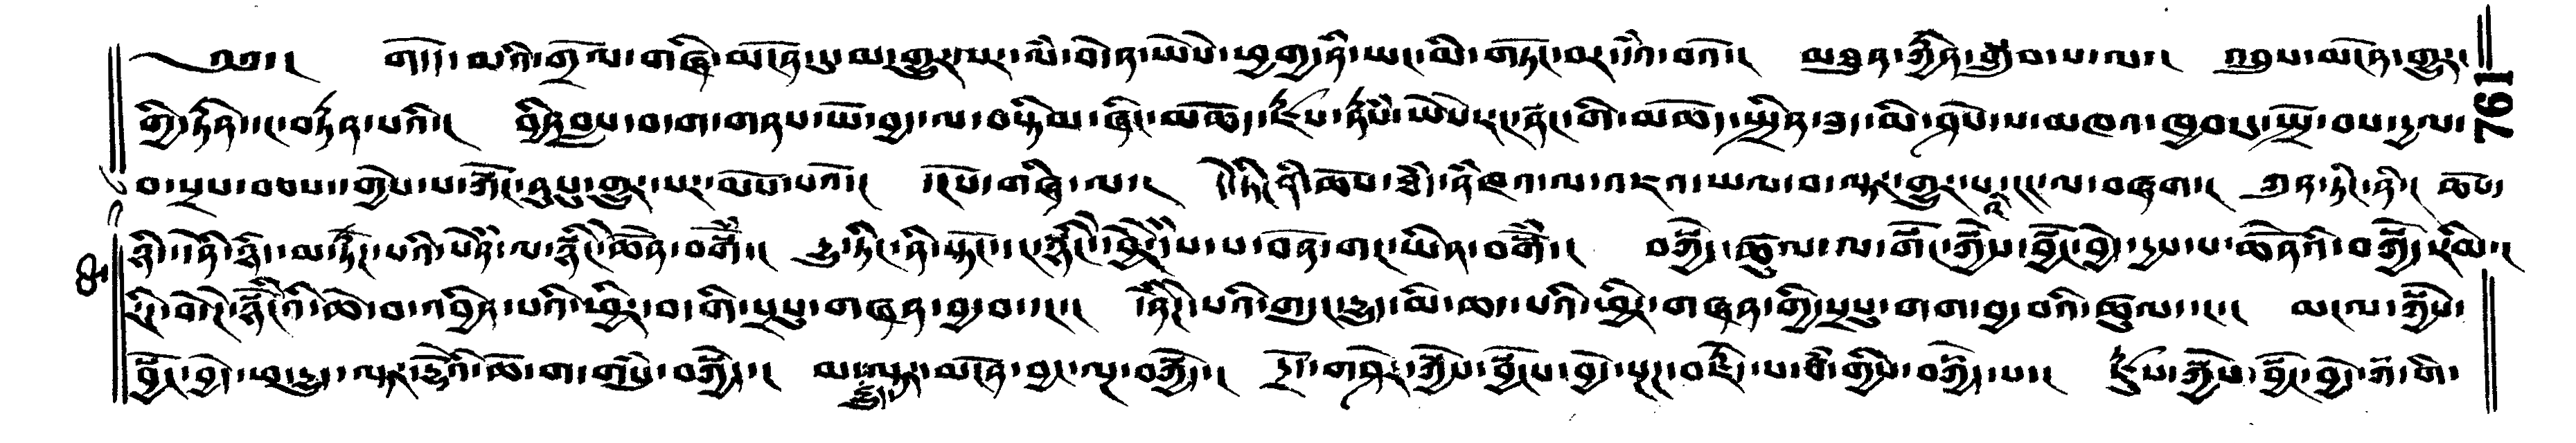གདོད་མའི་གྲོལ་གཞི་མངོན་དུ་མ་གྱུར་པར་ལམ་བདེན་ཡེ་ཤེས་ཕྱག་རྒྱ་ནམ་ཡང་མི་གཏོང་བར་དམ་བཅའ་བའོ། མཐུན་རྐྱེན་སྒྲུབ་པ་ལ། འབྲས་བུ་མངོན་གྱུར་
གྱི་རྟེན་དང་བརྟེན་པའི་བྱིན་རླབས་བདག་གནས་ཡོ་བྱད་ལ་བསྟིམ་ཞིང་། མཆོད་རྫས་རྣམས་ཡེ་ཤེས་རང་སྣང་གི་མཆོད་སྤྲིན་ཟད་མི་ཤེས་པ་མཁའ་ཁྱབ་དུ་སྤྲོ་པས་རྒྱལ་
བ་སྲས་བཅས་དགྱེས་པ་སྐོང་ནུས་སུ་གྱུར་པར་མོས་པའོ། དངོས་གཞི་ལ། དེ་ཏིང་ནི། ཆོས་ཐམས་ཅད་ནམ་མཁའ་ལ་འཇའ་ཡལ་བ་ལྟར་གྱུར་པའི་ངང་ལ་བཞག ཀུན་ཏིང་ནི། ཆོས་
ཉིད་དེ་བཞིན་ཉིད་མ་རྟོགས་པའི་སེམས་ཅན་ལ་སྙིང་རྗེ་ཆེན་པོ་བསྒོམ། རྒྱུ་ཏིང་ནི། སྟོང་དང་སྙིང་རྗེ་དབྱེར་མེད་པ་ས་བོན་གང་ཡིན་བསྒོམ། བསྐྱེད་ཚུལ་ལ་སྒོང་སྐྱེས་སྦྱོང་བྱེད་རྒྱས་པ་ཆེན་པོའི་བསྐྱེད་རིམ། 
རིགས་བདེ་གཤེགས་སྙིང་པོའི་ཆེ་བ་འབྱིན་པའི་ཕྱིར་བདག་གི་སྲས་སུ་གཞན་བྱ་བ་དང་། དེ་བཞིན་བཤེགས་པའི་གདུང་རྒྱུད་མི་ཆད་པའི་ཕྱིར་གཞན་གྱི་སྲས་སུ་བདག་བྱ་བའི་ཚུལ་དང་། མངལ་སྐྱེས་
སྦྱོང་བྱེད་ཕ་རྒྱུད་ལྟར་རྡོ་རྗེའི་ཆོ་ག་གསུམ་བསྐྱེད། མ་རྒྱུད་ལྟར་མངོན་བྱང་ལྔ་བསྐྱེད། དྲོད་གཤེར་སྐྱེས་སྦྱོང་བྱེད་སྔགས་བརྗོད་པ་ཙམ་གྱིས་བསྐྱེད་པ། རྫུས་སྐྱེས་སྦྱོང་བྱེད་སྐད་ཅིག་